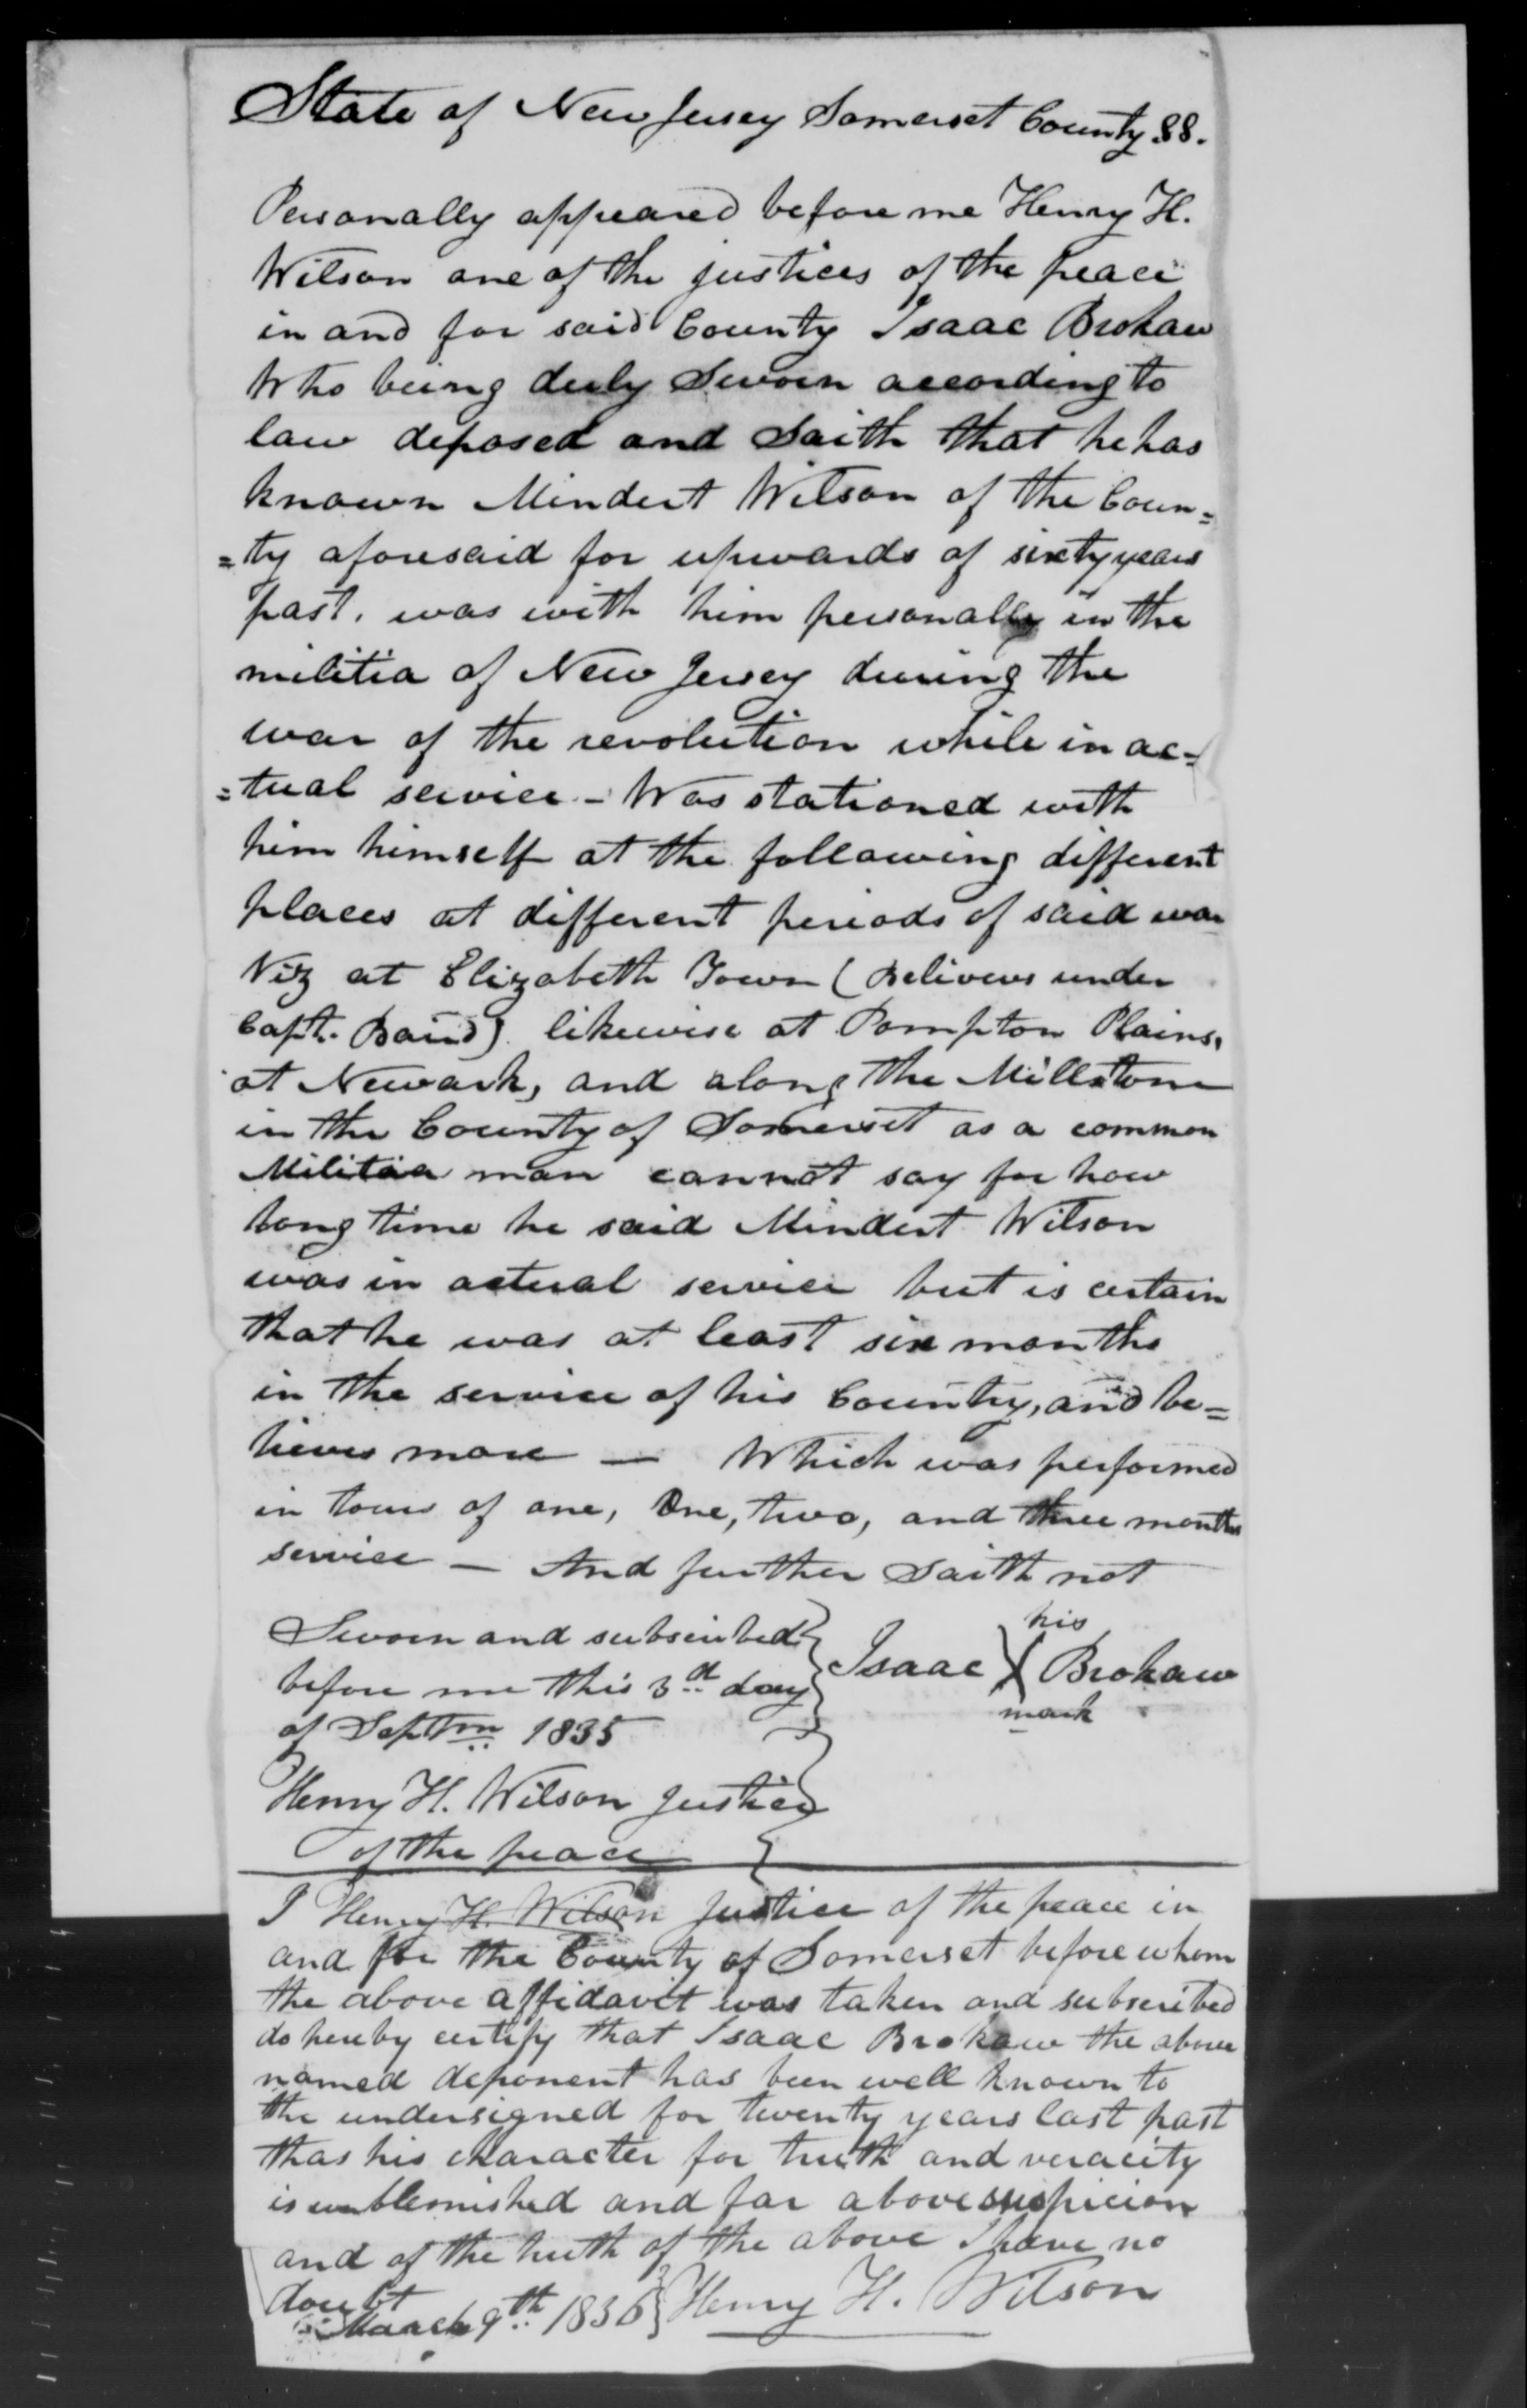State of New Jersey Somerset County ss.
Personally appeared before me Henry H. Wilson one of the justices of the peace in and for said County Isaac Brokaw who being duly sworn according to law deposed and saith that he has known Mindert Wilson of the County aforesaid for upwards of sixty years past, was with him personally in the militia of New Jersey during the war of the revolution while in actual service. Was stationed with him himself at the following different places at different periods of said war Viz at Elizabeth Town (believes under Capt Baird) likewise at Pompton Plains, at Newark, and along the Millstone in the County of Somerset as a common Militia man cannot say for how long time he said Mindert Wilson was in actual service but is certain that he was at least six months in the service of his country, and believes more -- Which was performed in tours of one, one, two, and three months service -- And further saith not

Isaac Brokaw X his mark

Sworn and subscribed before me this 3d day of Sept 1835

Henry H. Wilson Justice of the peace

I Henry H. Wilson Justice of the peace in and for the County of Somerset before whom the above affidavit was taken and subscribed do hereby certify that Isaac Brokaw the above named deponent has been well known to the undersigned for twenty years last past that his character for truth and veracity is unblemished and far above suspicion and of the truth of the above I have no doubt

March 9th 1836 } Henry H. Wilson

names: Henry H Wilson, Mindert Wilson, Isaac Brokaw, Baird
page: 22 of 40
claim: survivor's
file: S. 3564, Mindart Wilson, New Jersey